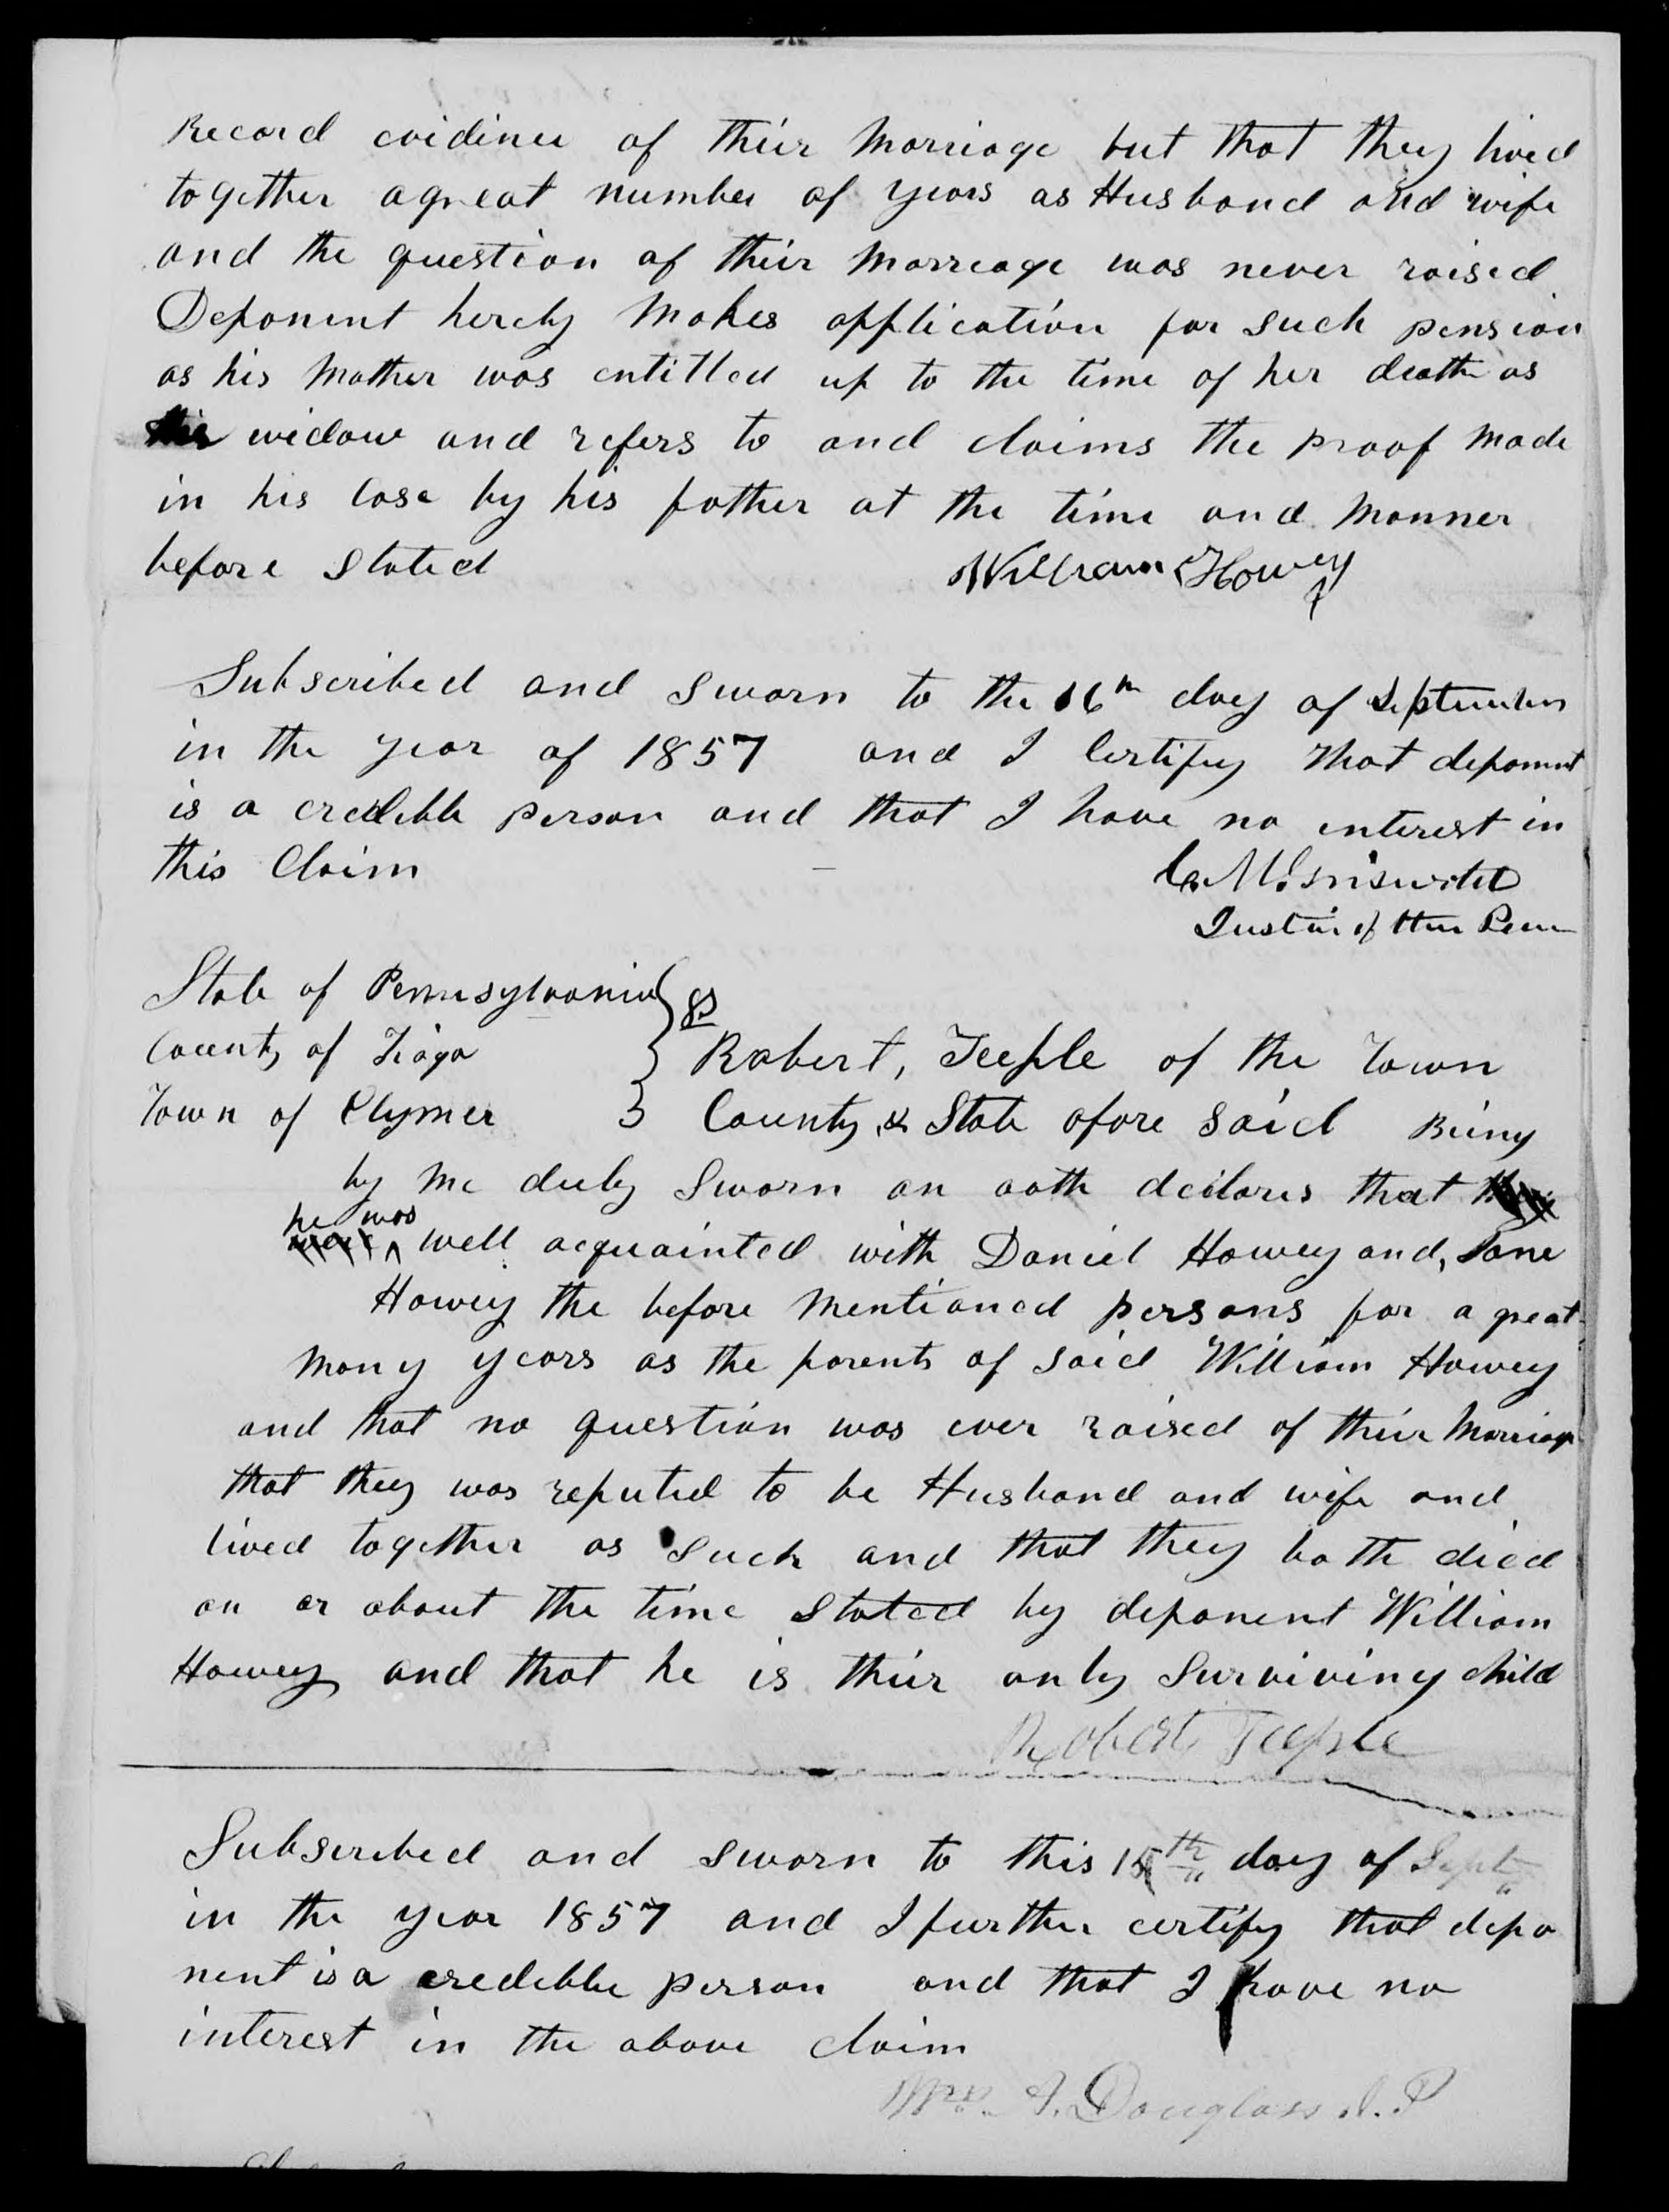Record evidince of their marriage but that they lived together a great number of years as Husband and wife and the question of their marriage was never raised 
Deponent hereby makes application for such pension as his mother was entitled up to the time of her death as his [smudged] widow and refers to and claims the proof made in his case by his father at the time and manner before stated      William Howey [signature]

Subscribed and sworn to the 16th day of September in the year of 1857 and I Certify that deponent is a credible person and that I have no interest in this Claim    - C.[illegible] Justice of the Peace

State of Pennsylvania } ss
County of Tioga  }
Town of Clymer }

Robert, Teeple of the Town County, & State afore said Being by me duly Sworn an oath declares that they[crossed out] were[crossed out] he was well acquainted with Daniel Howey and, Jane Howey the before mentioned persons for a great many years as the parents of said William Howey and that no question was ever raised of their marriage that they was reputed to be Husband and wife and lived together as such and that they both died on or about the time stated by deponent William Howey and that he is their only surviving child
Robert Teeple [signed]

Subscribed and sworn to this 15th day of Sept in the year of 1857 and I further certify that deponent is a credible person and that I have no interest in the above claim  Mr[?] A. Douglass [illegible] P [signature]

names: Daniel Howey, Jane Howey, William Howey, Wm A Dauglass, Robert Teeple, C M Griswold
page: 3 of 25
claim: rejected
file: R. 5190, Daniel Howey, New Jersey New York